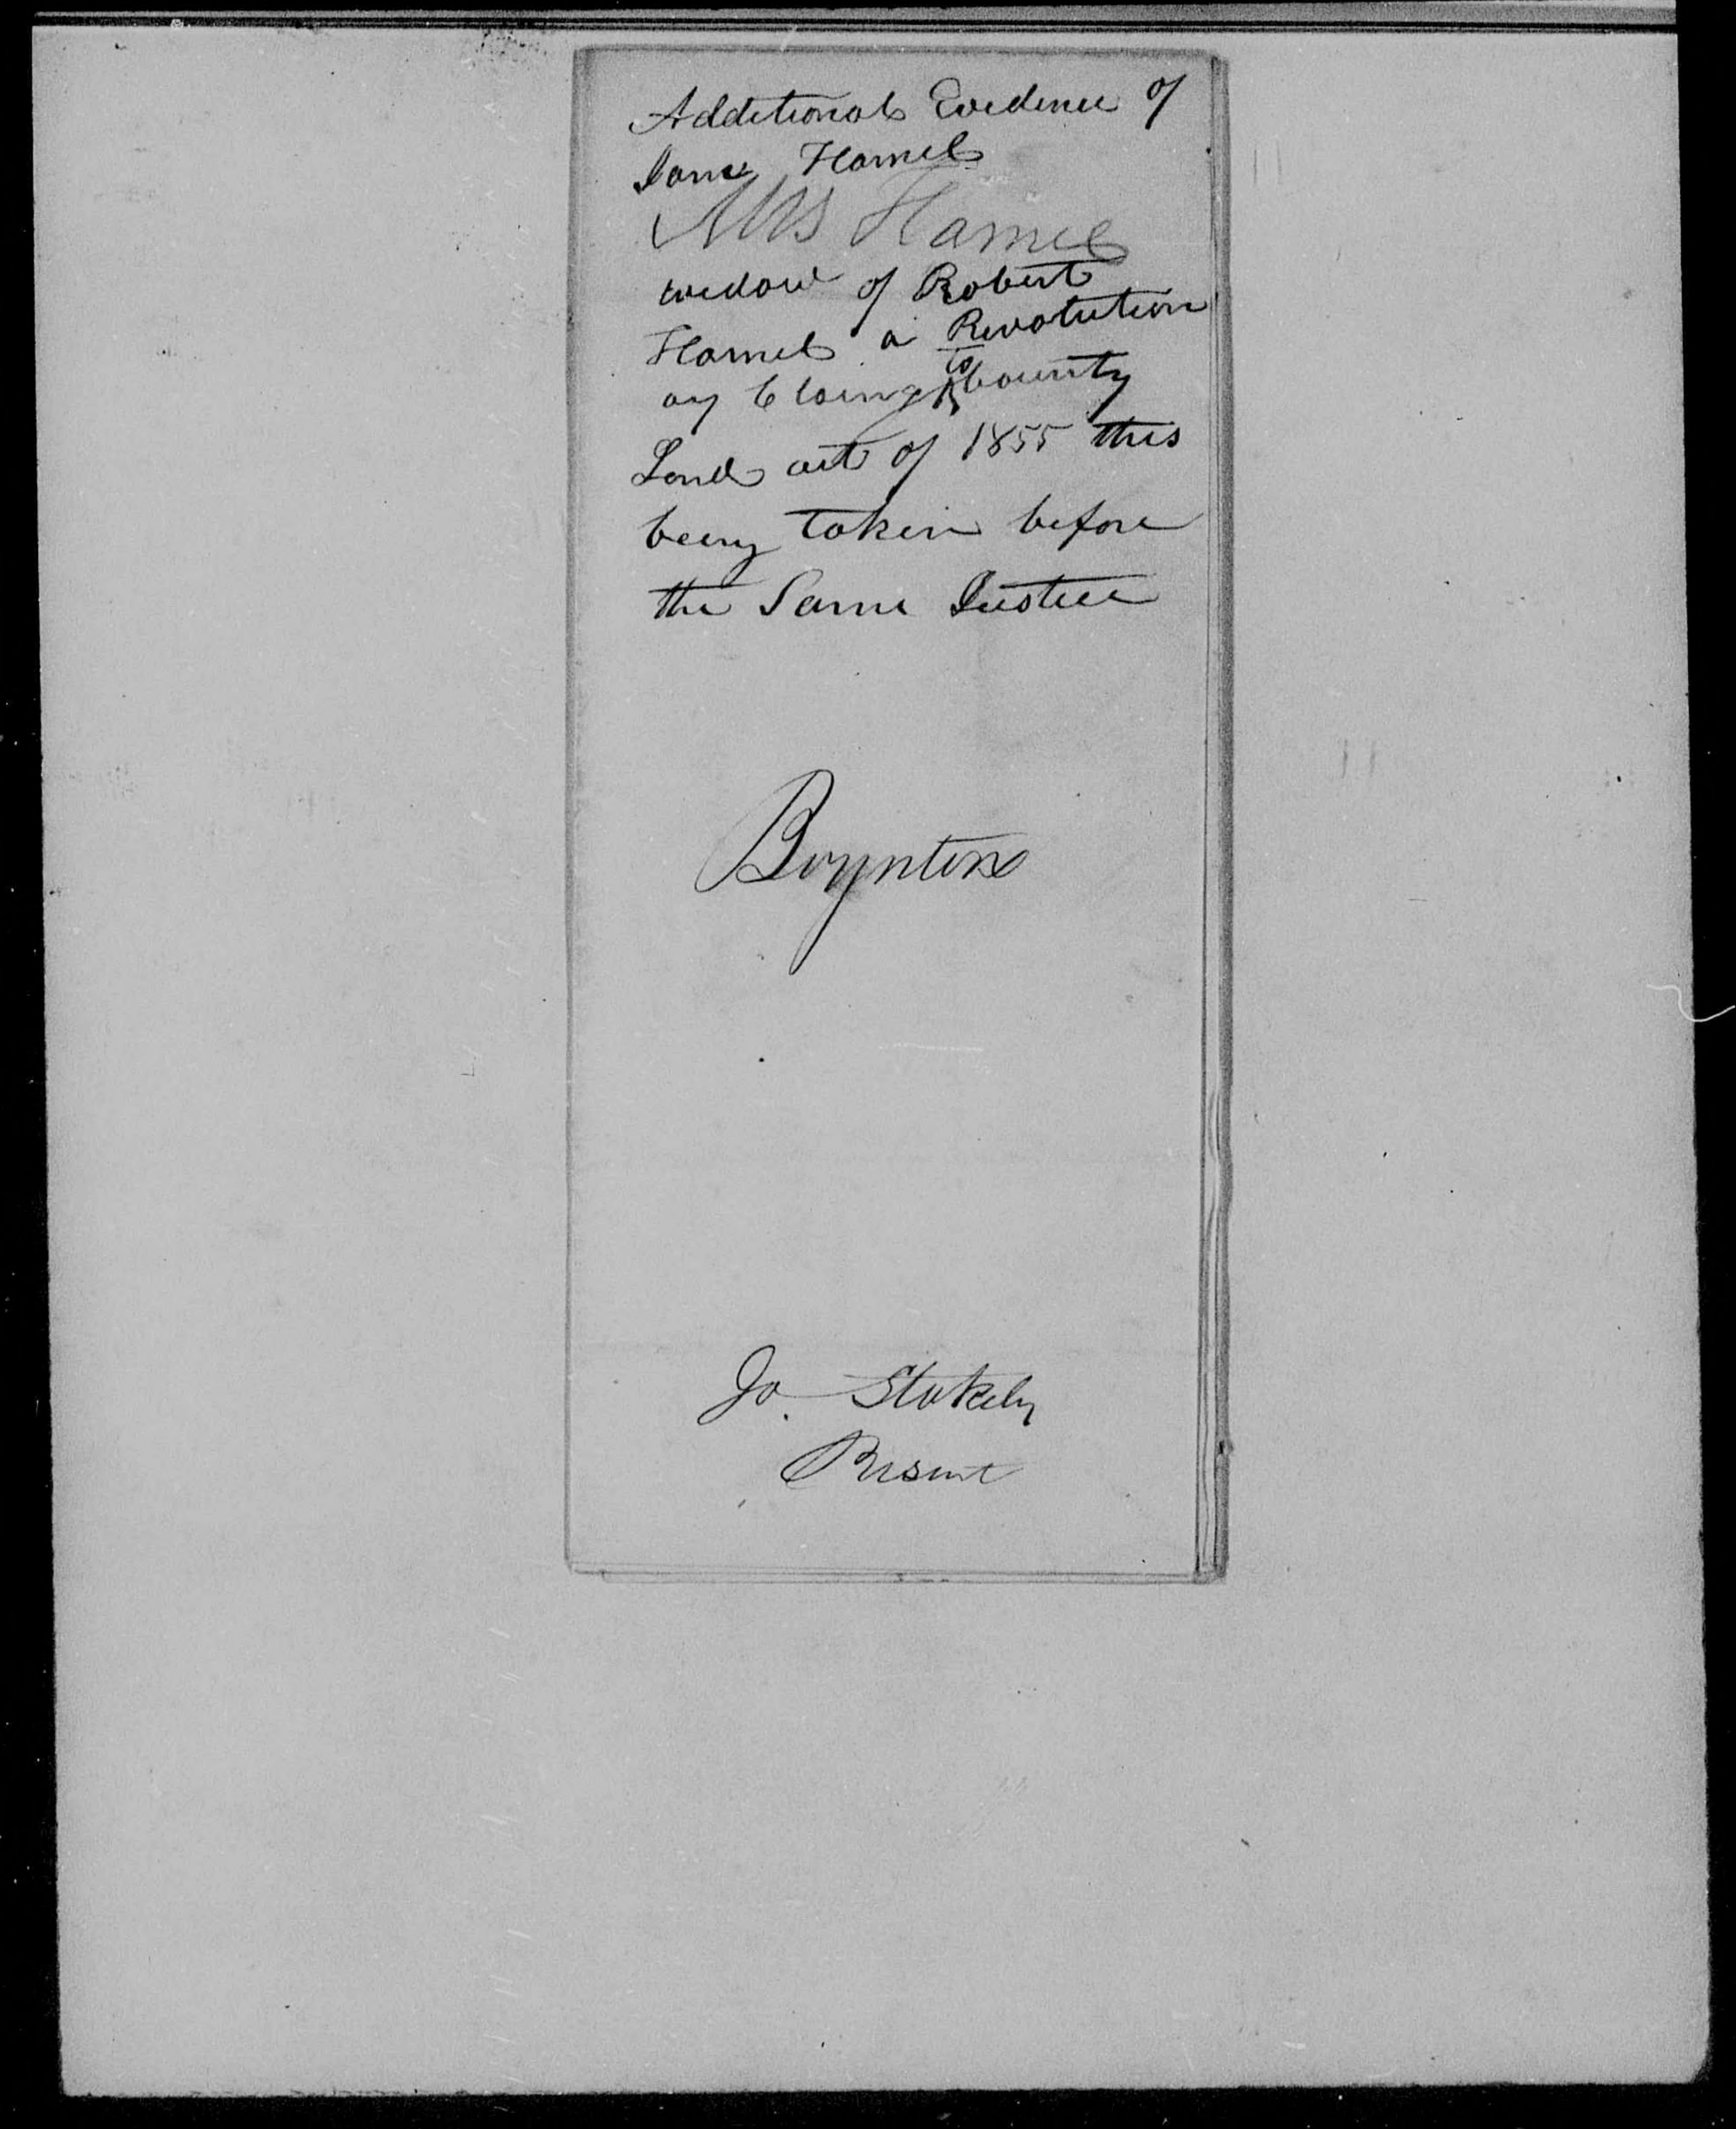Additional Evidence of
Jane Hamel

Mrs Hamel
widow of Robert 
Hamel a Revolutionary 
Claim to Bounty
Land out of 1885 this
being taken before
the Same Justice

Boynton


Jo. Stuckely
Present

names: Ja Stokely, Jane Hamel, Hamel, Robert Hamel, Boynton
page: 72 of 92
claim: widow's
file: W 1173, Robert Hamill, Penn.